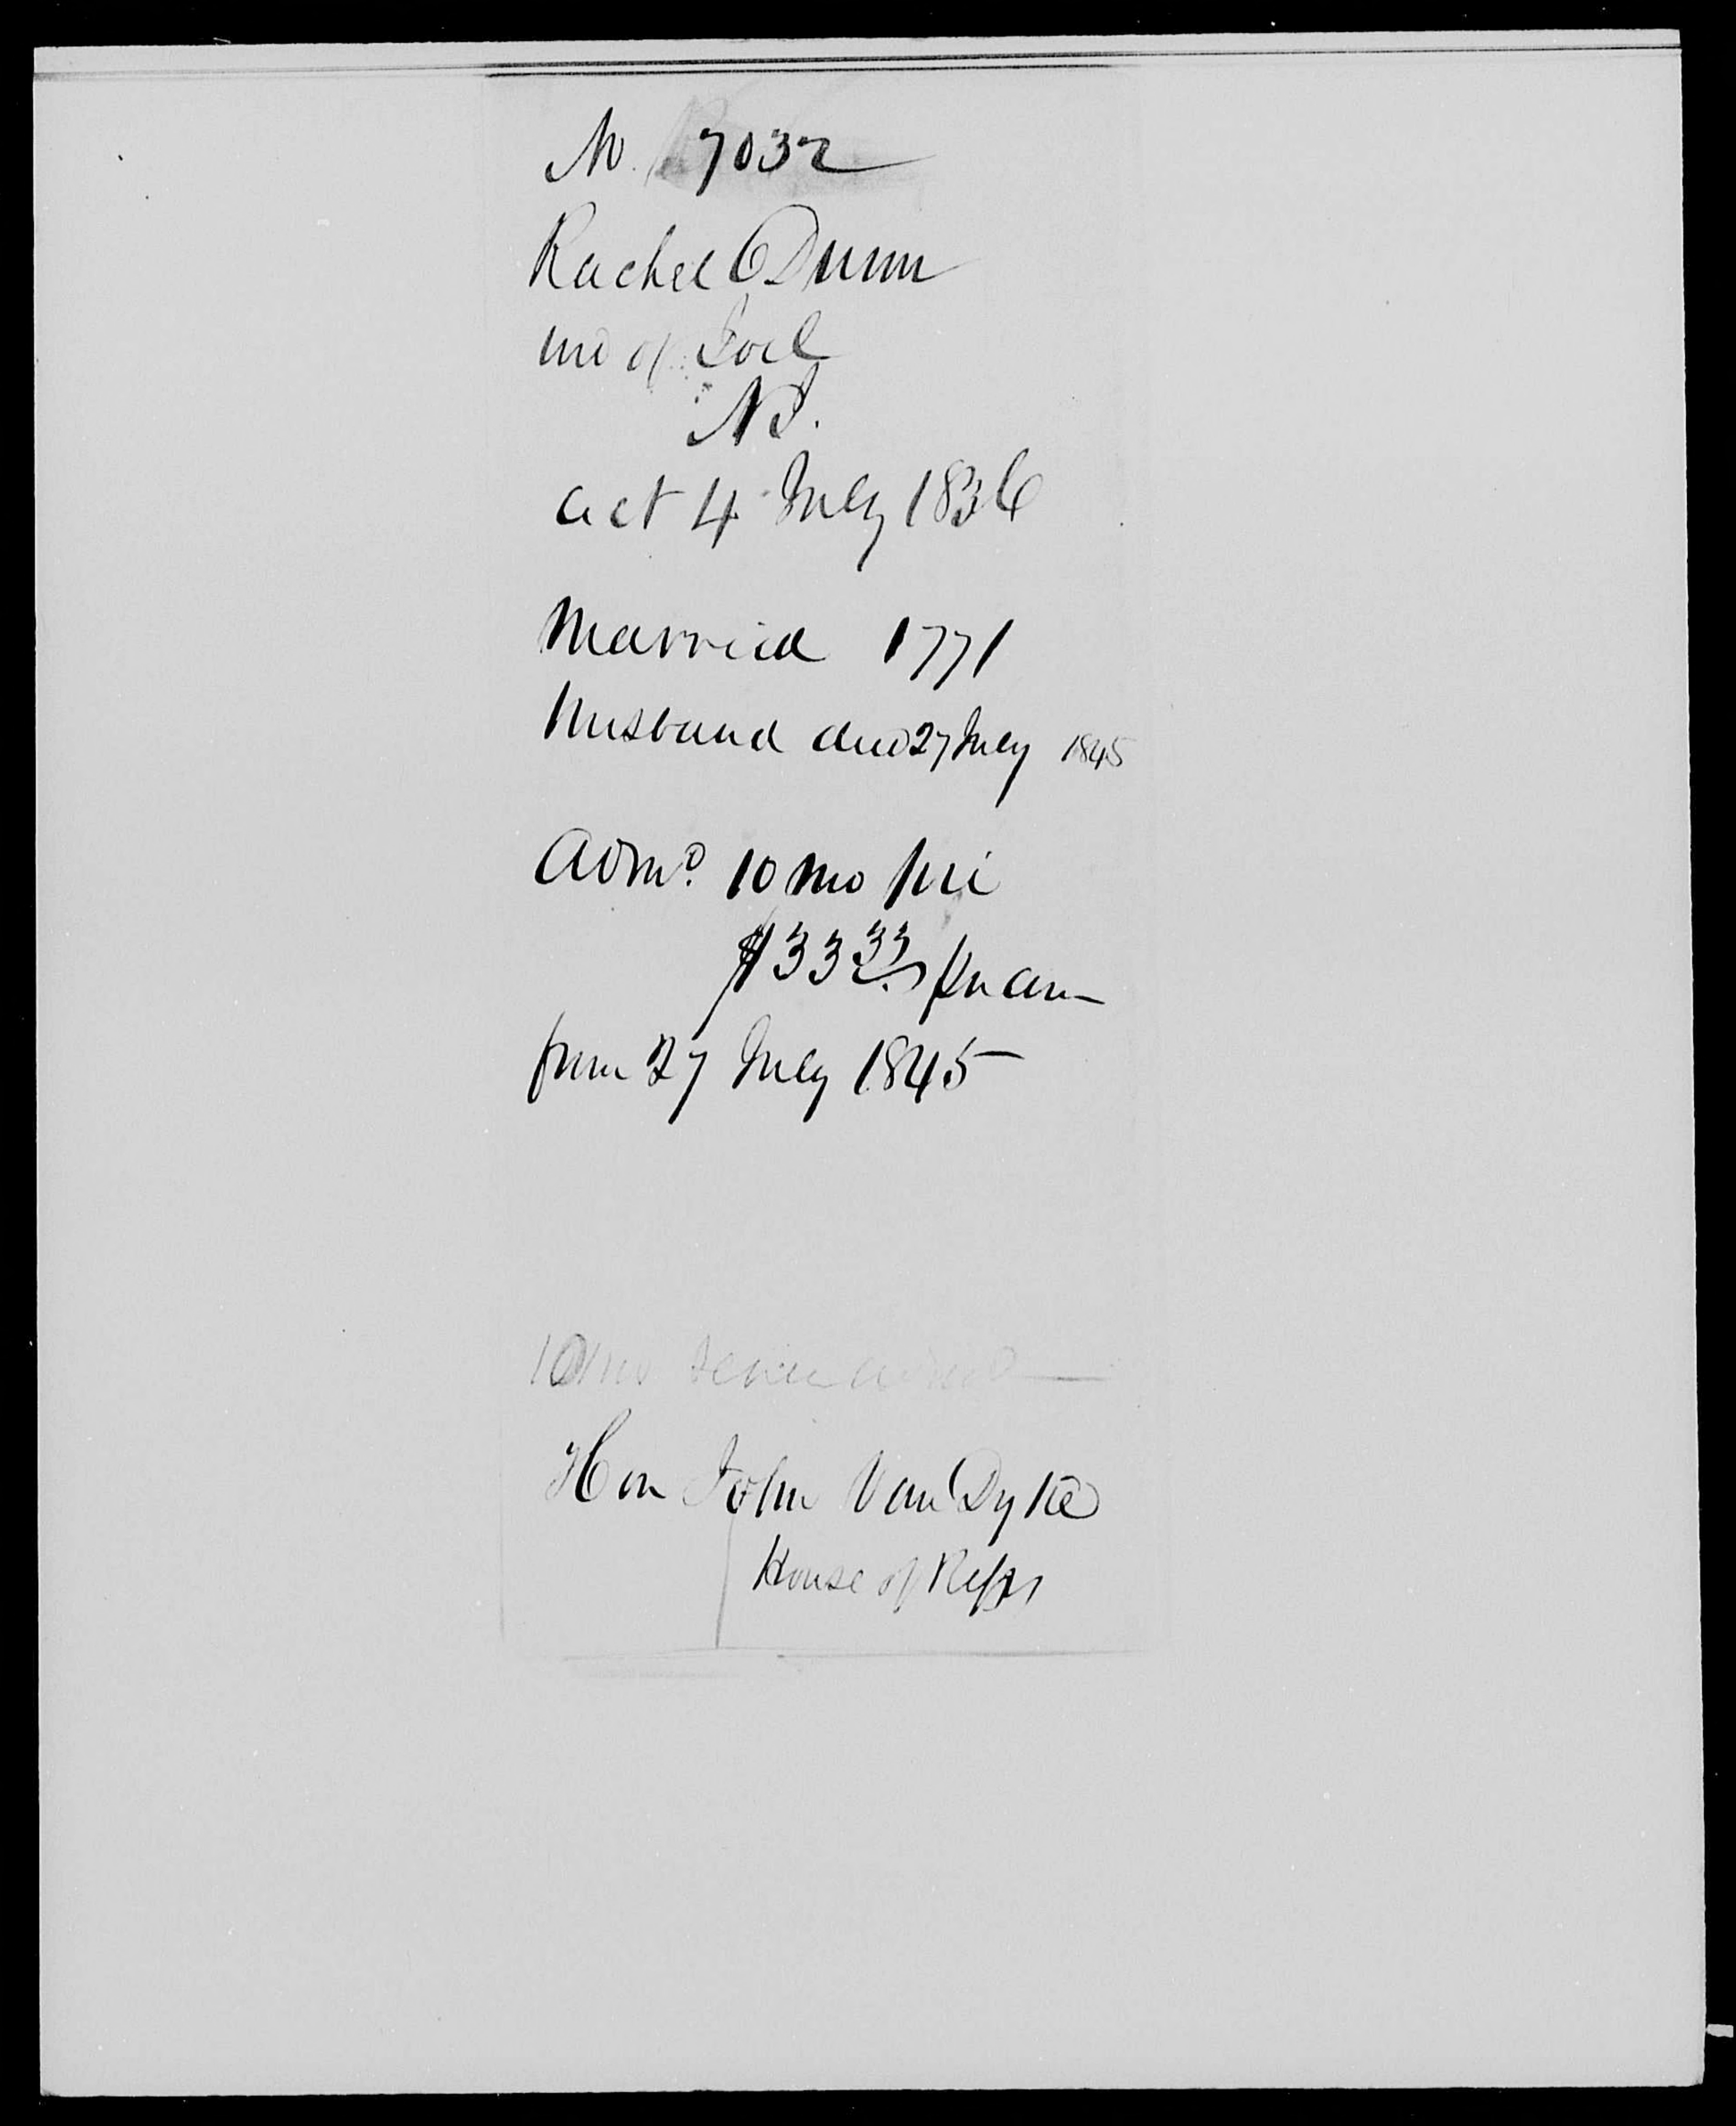No. 7032
Rachel Dunn
wi of Joel
N.J.
act 4 July 1836
Married 1771
husband died 27 July 1845
AOM 10 mo pri
$33.33 per an
from 27 July 1845

10 mo. service [illegible]

Hon John Van Dyke
House of Reps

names: Rachel Dunn, John Van Dyke, Joel Dunn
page: 27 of 52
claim: widow's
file: W. 919, Joel Dunn, New Jersey